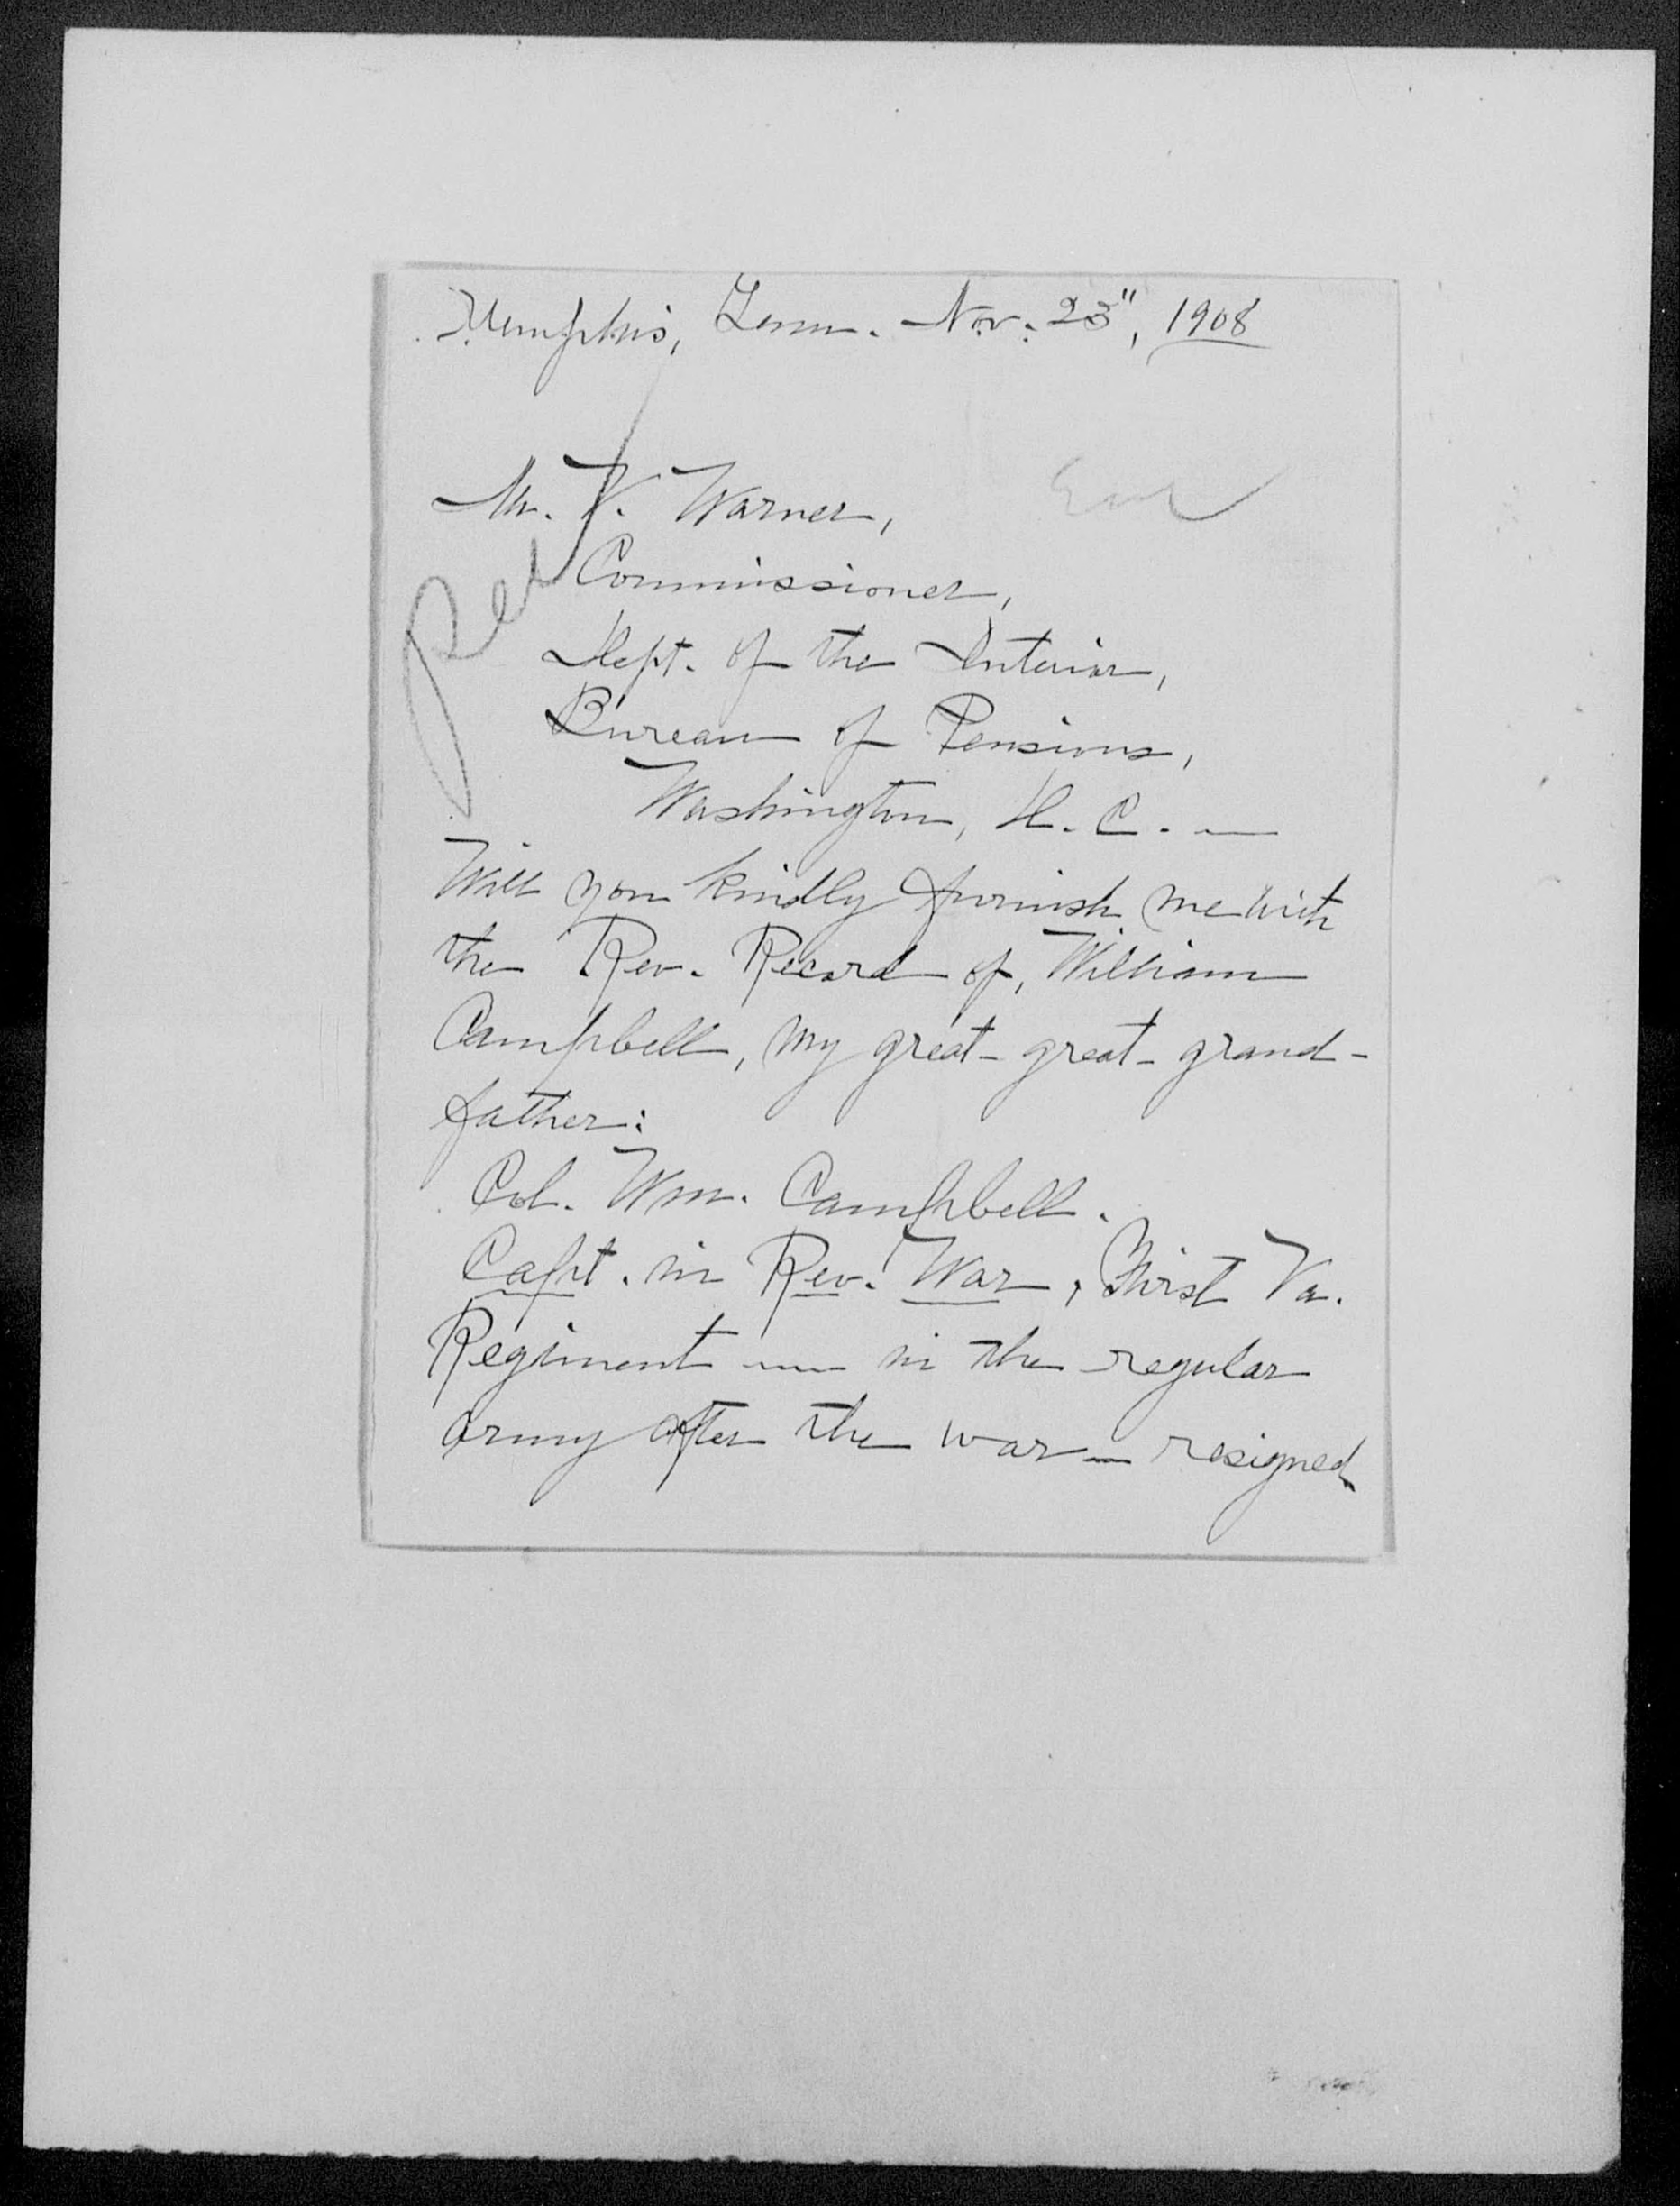Memphis, Tenn. Nov. 23", 1908

Mr. V. Warner,
Commissioner,
Dept. of the Interior,
Bureau of Pensions,
Washington, D.C.-
Will you kindly furnish me with the Pen. Record of, William Campbell, my great-great-grandfather:
Col. Wm. Campbell.
Capt. in Rev. War, First Va. Regiment - in the regular army after the war - resigned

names: William Campbell, Wm Campbell, V Warner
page: 144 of 267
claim: widow's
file: W. 4,149, William Campbell, Va.